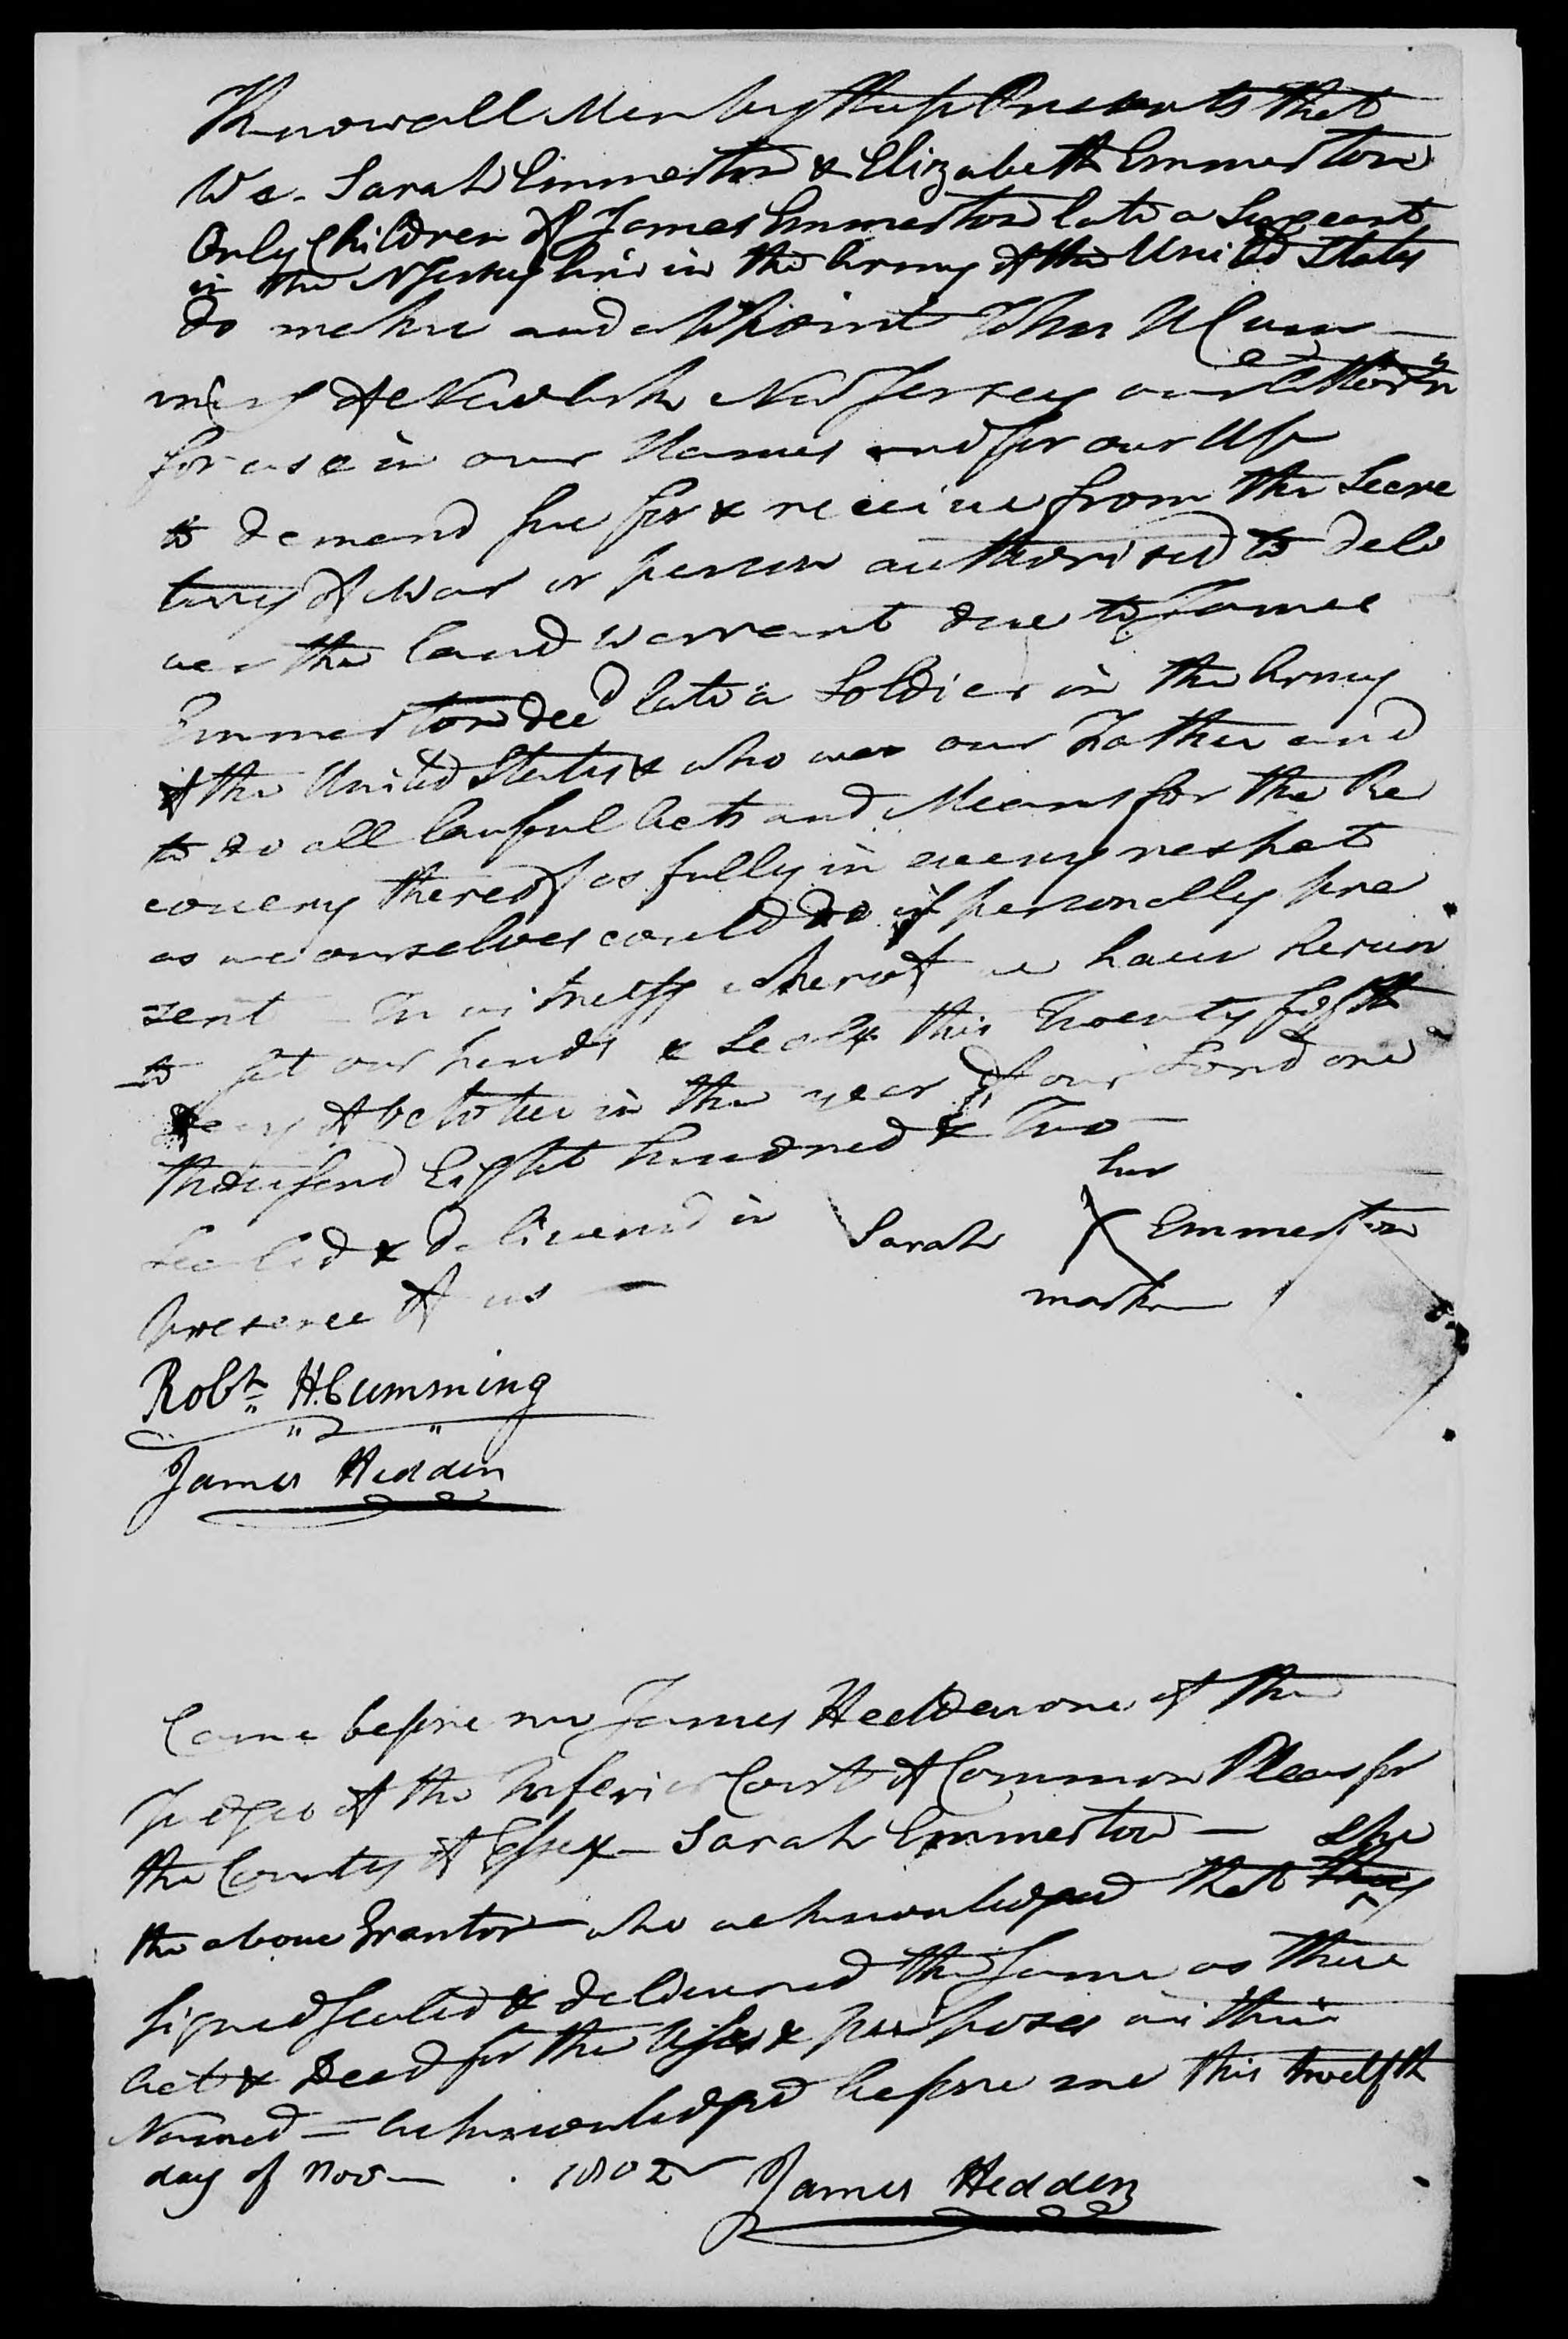Know all men by (3 words illegible) that Ws. Sarah Emmerton and Elizabeth Emmerton only children of James Emmerton late a Sergeant in the N Jersey line in the Army of the United States do make and appoint (illegible) of Newark New Jersey and (illegible) for us in our names and for our life & demand five (illegible) from the League Army of War or person authorized to (illegible) the land warrant over to James Emerson deed late a Soldier in the Army of the United States and who was our father and to do all lawful acts and Missions for the Recovery thereof as fully in every (illegible) as we ourselves could do if honorably (illegible) sent in witness whereof we have herein to put our hands and heart this twenty fifth day of October in the year of our Lord one thousand eight hundred & two - 

Sealed & Delivered is Sarah X Emmerton 
(illegible name)
Robt H Cumming
James Hedden

I come before Mr. James Henderson at the office of the (illegible) Court of Common Pleas for the Country of Essex - Sarah Emmerton - the above Grantor who (illegible) that she signed & declared that James as this act & deed for the life & (illegible) in this Named (illegible) before me this twelfth day of Nov 1802

James Hedden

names: James Hedden, James Hedden, James Hedden, Sarah Emmerton, Sarah Emmerton, James Emmerton, Elizabeth Emmerton, Sarah Emmerton, Robt H Cumming, James Emmerton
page: 2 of 3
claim: bounty land warrant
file: B.L.Wt. 96-100, James Emmerton, New Jersey